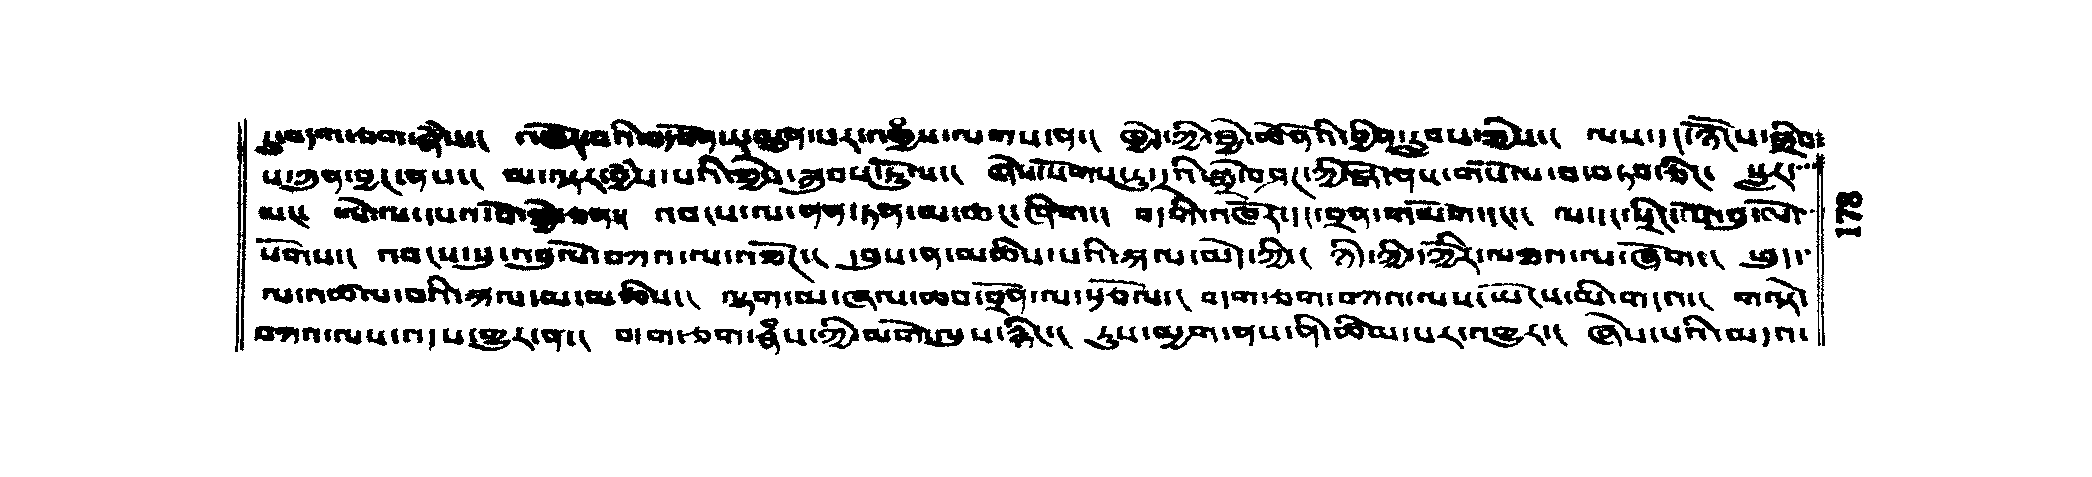དུ་བདག་ཅག་རྣམས། འཁོར་བའི་བརྩོན་རག་མུན་པར་འཁྱམས་ལགས་ན། ཁྱེད་ཀྱི་ཐུགས་རྗེ་ཆེན་པོའི་བྱིན་རླབས་ཀྱིས། ལས་དང་ཉོན་མོངས་སྒྲིབ་
པ་ཀུན་བྱང་ནས། མ་ལྟར་བྱམས་པའི་ཐུགས་རྗེས་སྐྱབ་ཏུ་གསོལ། ཞེས་སོགས་རུ་དྲའི་སྨྲེ་བཤགས་ཀྱི་སྒོ་ནས་གསོལ་བ་བཏབ་ཅིང་། སླར་
ཡང་། ཨེ་མ་དཔའ་བོ་ཐུགས་རྗེ་ཅན། འབངས་ལ་ནན་ཏན་མ་ཆུང་ཞིག བདག་གི་འཁོར་དང་བྲན་གཡོག་དང་། མ་དང་སྲིང་མོ་བུ་མོ་
སོགས། འབངས་སུ་འབུལ་ལོ་བཀའ་ལ་འཐོགས། དབུས་ན་མཆིས་པའི་སྐལ་མེད་ཀྱི། ཉིད་ཀྱི་དཀྱིལ་འཁོར་མཐའ་ལ་ཞོག ཕུད་
ལ་འཚལ་བའི་སྐལ་མ་མཆིས། ལྷག་མ་ཞལ་ཆབ་བྲོན་ལ་སྩོལ། བདག་ཅག་བཀའ་ལས་ཡོངས་མི་གདའ། གལ་ཏེ་
བཀའ་ལས་འདས་གྱུར་ན། བདག་ཅག་རྣམས་ཀྱི་མགོ་ལུས་རྙིང་། རུས་མྱག་ནས་ནི་ཚིམ་པར་འགྱུར། ཞེས་པའི་མདའ་